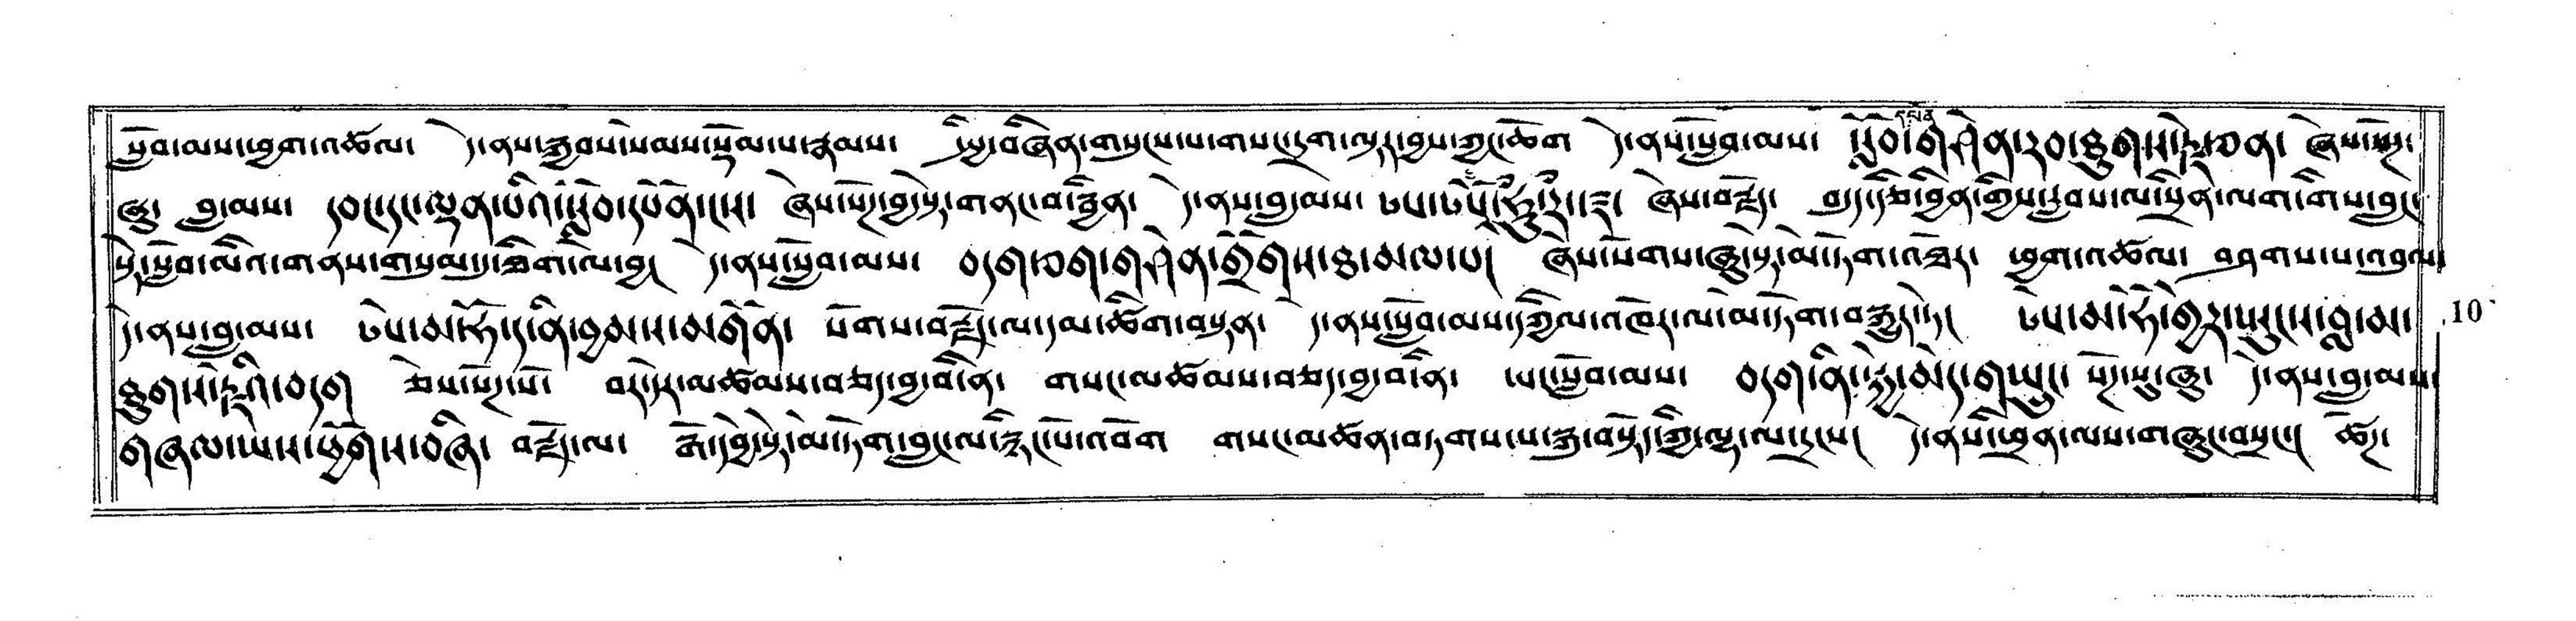སློབ་མས་ཕྱག་འཚལ་དེ་ནས་སྐྱབས་སེམས་སྡོམ་པ་རྣམས་སྤྱི་བཞིན་གསུངས་པ་གསང་དྲག་ལྟར་བྱས་ཀྱང་ཆོག དེ་ནས་སློབ་མས་སློབ་དཔོན་གཤེན་རབ་ཐུགས་རྗེ་ཅན་ཞེས་སོགས་
ཞུ་བླ་མས་དབང་དང་ལྡན་པའི་སློབ་དཔོན་ངས་ཞེས་སོགས་བྱ་སྟེ་གནང་བ་སྦྱིན་དེ་ནས་བླ་མས་ཨ་ཨཱོཾ་ཧཱུཾ་རཾ་ཛ་ཞེས་བརྗོད་བདུད་རྩི་བྱིན་གྱིས་རླབས་ལ་སྲིན་ལག་གིས་བླང་
སྟེ་སློབ་མའི་གནས་གསུམ་དུ་ཐིག་ལེ་བྱ། དེ་ནས་སློབ་མས་བདག་ཅག་གཤེན་གྲོགས་ཐ་མལ་པ། ཞེས་སོགས་ཞུ་སྟེ་མེ་ཏོག་འཐོར་ཕྱག་འཚལ་བཤགས་པ་འབུལ་
དེ་ནས་བླ་མས་ཨེ་མ་ཧོ་ད་ནི་བྱམས་མགོན་སོགས་བརྗོད་ལ་དམ་ཚིག་བསྟན་དེ་ནས་སློབ་མས་དཀྱིལ་འཁོར་ལ་མེ་ཏོག་བསྐྱུར་ཏེ། ཨེ་མ་ཧོ་གྱེར་སྤུངས་བླ་མ་
ཐུགས་རྗེའི་བདག ཅེས་སོགས་སོ་བར་དེར་མཚམས་བཅད་བྱ་བ་ནི་གསང་མཚམས་བཅད་བྱ་བ་ནི་ཡང་སློབ་མས་བདག་ནི་སྐྱེ་མེད་གཡུང་དྲུང་སོགས་སུ་ཞུ་དེ་ནས་བླ་མས་
གཞལ་ཡས་ཕྱོགས་བཞི་བརྗོད་ལ་སྒོ་དབྱེ་སྟེ་མེ་ཏོག་བླང་ལ་སྙིང་པོ་འབོག གསང་མཚན་བཏགས་པ་སྐུ་བསྟོད་ཀྱི་ལྷ་ལ་དྲངས། དེ་ནས་ཕྲིན་ལས་གཞུང་བསྲང་། ཚོགས་